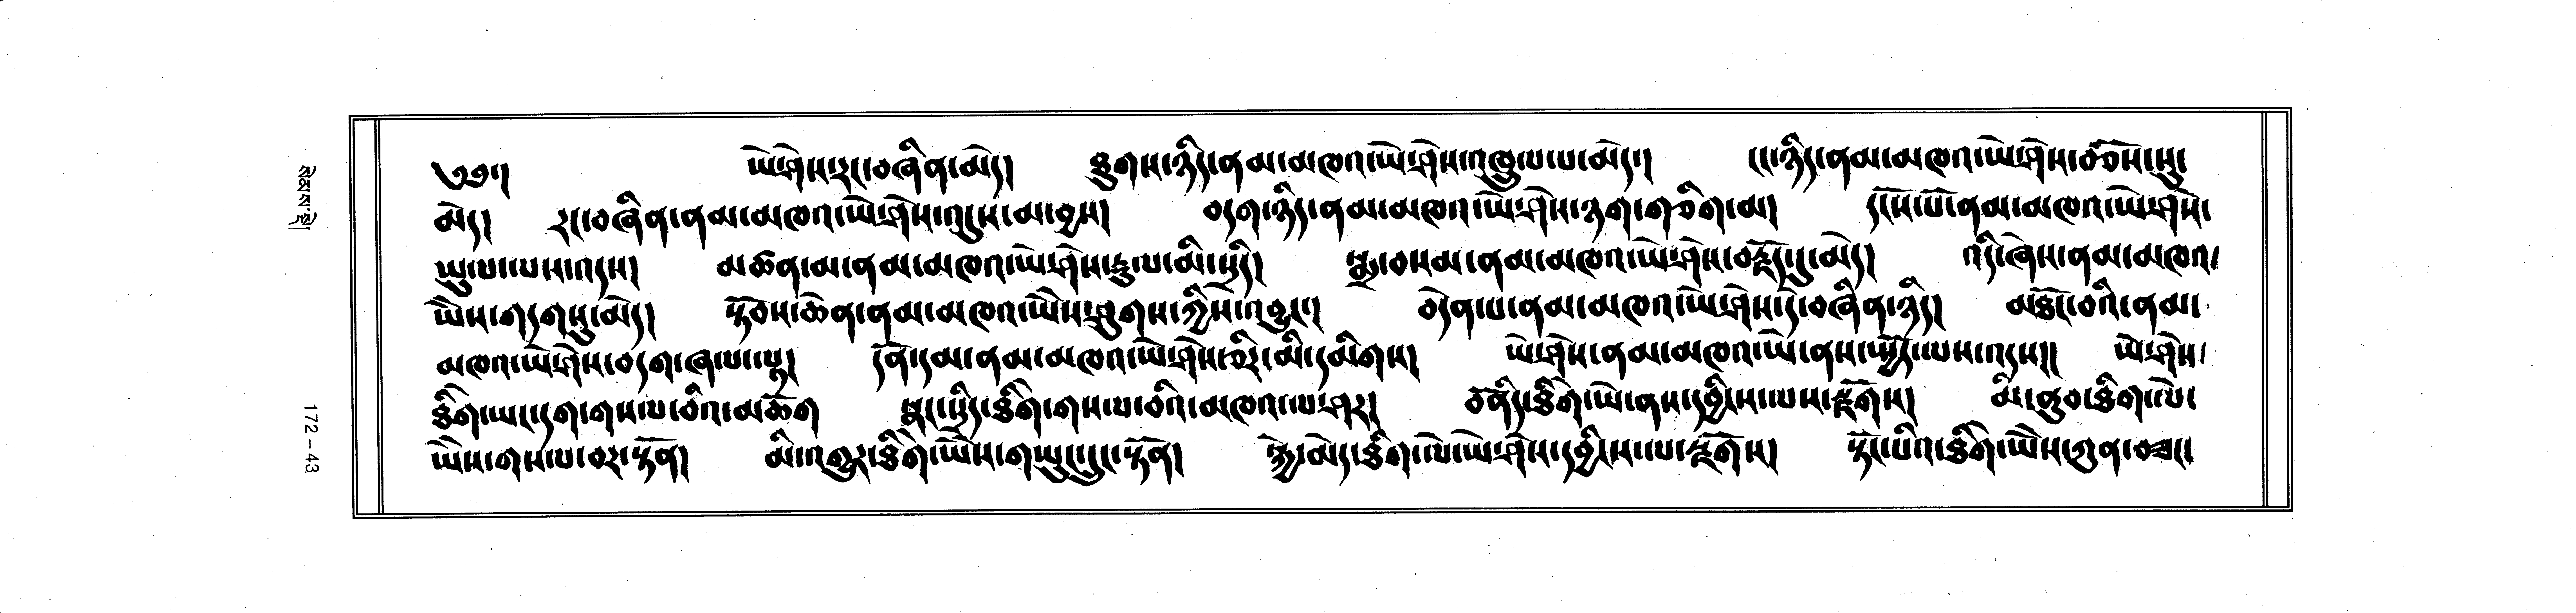ཡེ་ཤེས་རང་བཞིན་མེད། ཐུགས་ཉིད་ནམ་མཁའ་ཡེ་ཤེས་འཁྲུལ་པ་མེད། ངང་ཉིད་ནམ་མཁའ་ཡེ་ཤེས་བཅོས་སུ་
མེད། རང་བཞིན་ནམ་མཁའ་ཡེ་ཤེས་འདུས་མ་བྱས། བདག་ཉིད་ནམ་མཁའ་ཡེ་ཤེས་ཉག་གཅིག་མ། དངོས་པོ་ནམ་མཁའ་ཡེ་ཤེས་
ཡུལ་ལས་འདས། མཚན་མ་ནམ་མཁའ་ཡེ་ཤེས་རྡུལ་མི་སྲིད། སྨྲ་བསམ་ནམ་མཁའ་ཡེ་ཤེས་བརྗོད་དུ་མེད། འདི་ཞེས་ནམ་མཁའ་
ཡེ་ཤེས་གདགས་སུ་མེད། སྟོབས་ཆེན་ནམ་མཁའ་ཡེ་ཤེས་ཤུགས་ཀྱིས་འབྱུང་། བདེན་པ་ནམ་མཁའ་ཡེ་ཤེས་དེ་བཞིན་ཉིད། མཐོང་བའི་ནམ་
མཁའ་ཡེ་ཤེས་བདག་ཞལ་ལྟ། དོན་དམ་ནམ་མཁའ་ཡེ་ཤེས་ཅིར་མི་དམིགས། ཡེ་ཤེས་ནམ་མཁའ་ཡེ་ནས་སྤྱོད་ལས་འདས། ཡེ་ཤེས་
ཐིག་ལེ་ཡང་དག་གསལ་བའི་མཆོག སྣང་སྲིད་ཐིག་ལེ་གསལ་བའི་མཁའ་ལ་ཤར། བོན་ཉིད་ཐིག་ལེ་ཡེ་ནས་དབྱིངས་ལས་རྫོགས། མི་ནུབ་ཐིག་ལེ་
ཡེ་ཤེས་གསལ་བར་སྟོན། མི་འགྱུར་ཐིག་ལེ་ཡེ་ཤེས་གཡུང་དྲུང་སྟོན། སྐྱེ་མེད་ཐིག་ལེ་ཡེ་ཤེས་དབྱིངས་ལ་རྫོགས། སྟོང་པའི་ཐིག་ལེ་ཡེ་ཤེས་ཀུན་བཟང་